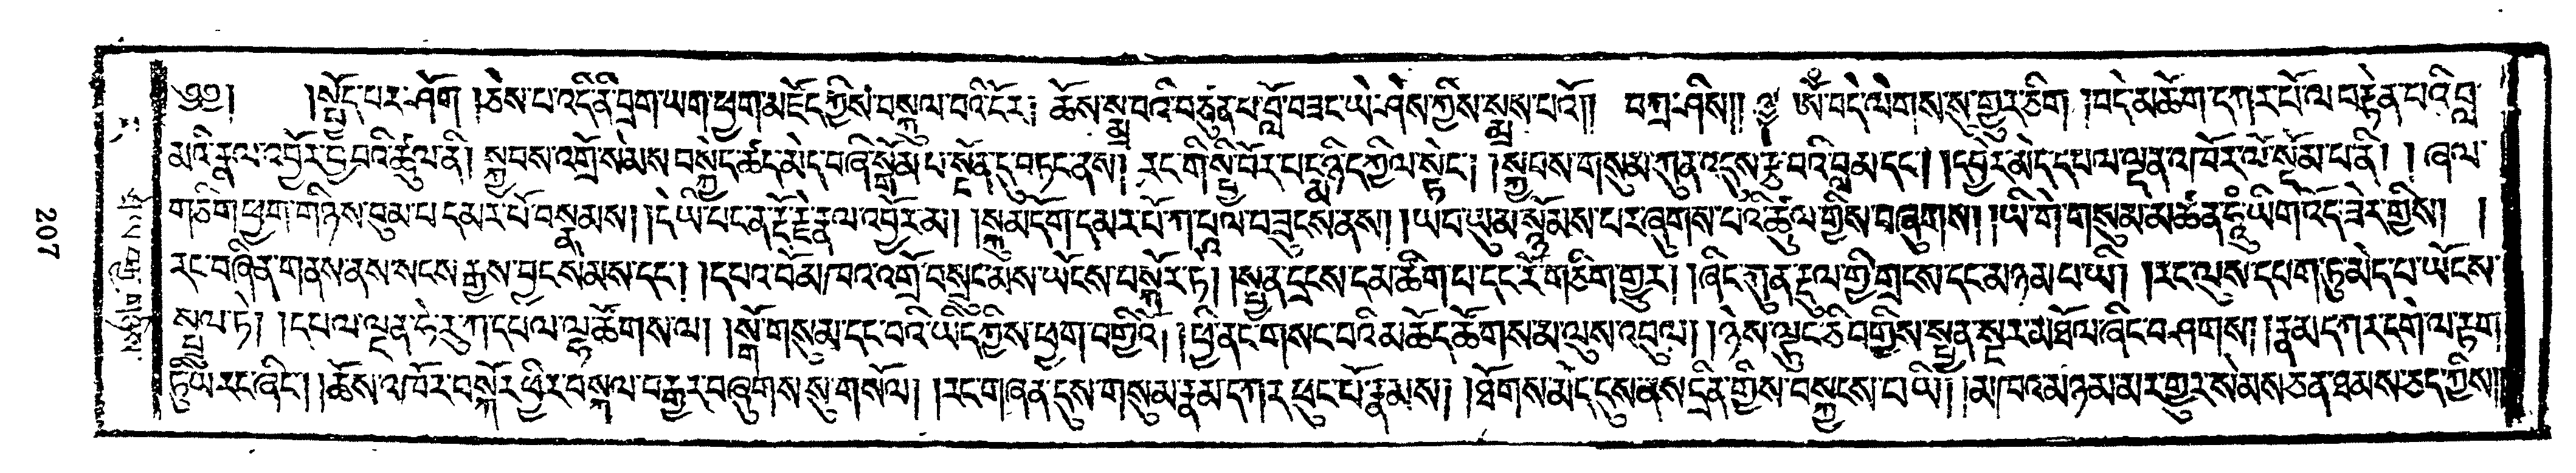༄༅། །སྤྱོད་པར་ཤོག །ཅེས་པ་འདི་ནི་བྲག་ཡག་ཕྱག་མཛོད་ཀྱིས་བསྐུལ་བའི་ངོར། ཆོས་སྨྲ་བའི་བཙུན་པ་བློ་བཟང་ཡེ་ཤེས་ཀྱིས་སྨྲས་པའོ།། བཀྲ་ཤིས།། ༈ ཨོཾ་བདེ་ལེགས་སུ་གྱུར་ཅིག །བདེ་མཆོག་དཀར་པོ་ལ་བརྟེན་པའི་བླ་
མའི་རྣལ་འབྱོར་བྱ་བའི་ཚུལ་ནི། སྐྱབས་འགྲོ་སེམས་བསྐྱེད་ཚད་མེད་བཞི་སྒོམ་པ་སྔོན་དུ་བཏང་ནས། རང་གི་སྤྱི་བོར་པདམ་ཉི་དཀྱིལ་སྟེང་། །སྐྱབས་གསུམ་ཀུན་འདུས་རྩ་བའི་བླ་མ་དང་། །དབྱེར་མེད་དཔལ་ལྡན་འཁོར་ལོ་སྡོམ་པ་ནི། །ཞལ་
གཅིག་ཕྱག་གཉིས་བུམ་པ་དམར་པོ་བསྣམས། །དེ་ཡི་པང་ན་རྡོ་རྗེ་རྣལ་འབྱོར་མ། །སྐུ་མདོག་དམར་པོ་ཀ་པཱ་ལ་བཟུངས་ནས། །ཡབ་ཡུམ་སྙོམས་པར་ཞུགས་པའི་ཚུལ་གྱིས་བཞུགས། །ཡི་གེ་གསུམ་མཚན་ཧཱུཾ་ཡིག་འོད་ཟེར་གྱིས། །
རང་བཞིན་གནས་ནས་སངས་རྒྱས་བྱང་སེམས་དང་། །དཔའ་བོ་མཁའ་འགྲོ་བསྲུང་མས་ཡོངས་བསྐོར་ཏེ། །སྤྱན་དྲངས་དམ་ཚིག་པ་དང་རོ་གཅིག་གྱུར། །ཞིང་ཀུན་རྡུལ་གྱི་གྲངས་དང་མཉམ་པ་ཡི། །རང་ལུས་དཔག་ཏུ་མེད་པ་ཡོངས་
སྤྲུལ་ཏེ། །དཔལ་ལྡན་ཧེ་རུ་ཀ་དཔལ་ལྷ་ཚོགས་ལ། །སྒོ་གསུམ་དང་བའི་ཡིད་ཀྱིས་ཕྱག་བགྱིའོ། །ཕྱི་ནང་གསང་བའི་མཆོད་ཚོགས་མ་ལུས་འབུལ། །ཉེས་ལྟུང་ཅི་བགྱིས་སྤྱན་སྔར་མཐོལ་ཞིང་བཤགས། །རྣམ་དཀར་དགེ་ལ་རྟག་
ཏུ་ཡི་རང་ཞིང་། །ཆོས་འཁྲོ་བསྐོར་ཕྱིར་བསྐལ་བརྒྱར་བཞུགས་སུ་གསོལ། །རང་གཞན་དུས་གསུམ་རྣམ་དཀར་ཕུང་པོ་རྣམས། །ཐོགས་མེད་དུས་ནས་དྲིན་གྱིས་བསྐྱངས་པ་ཡི། །མཁའ་མཉམ་མར་གྱུར་སེམས་ཅན་ཐམས་ཅད་ཀྱིས།།